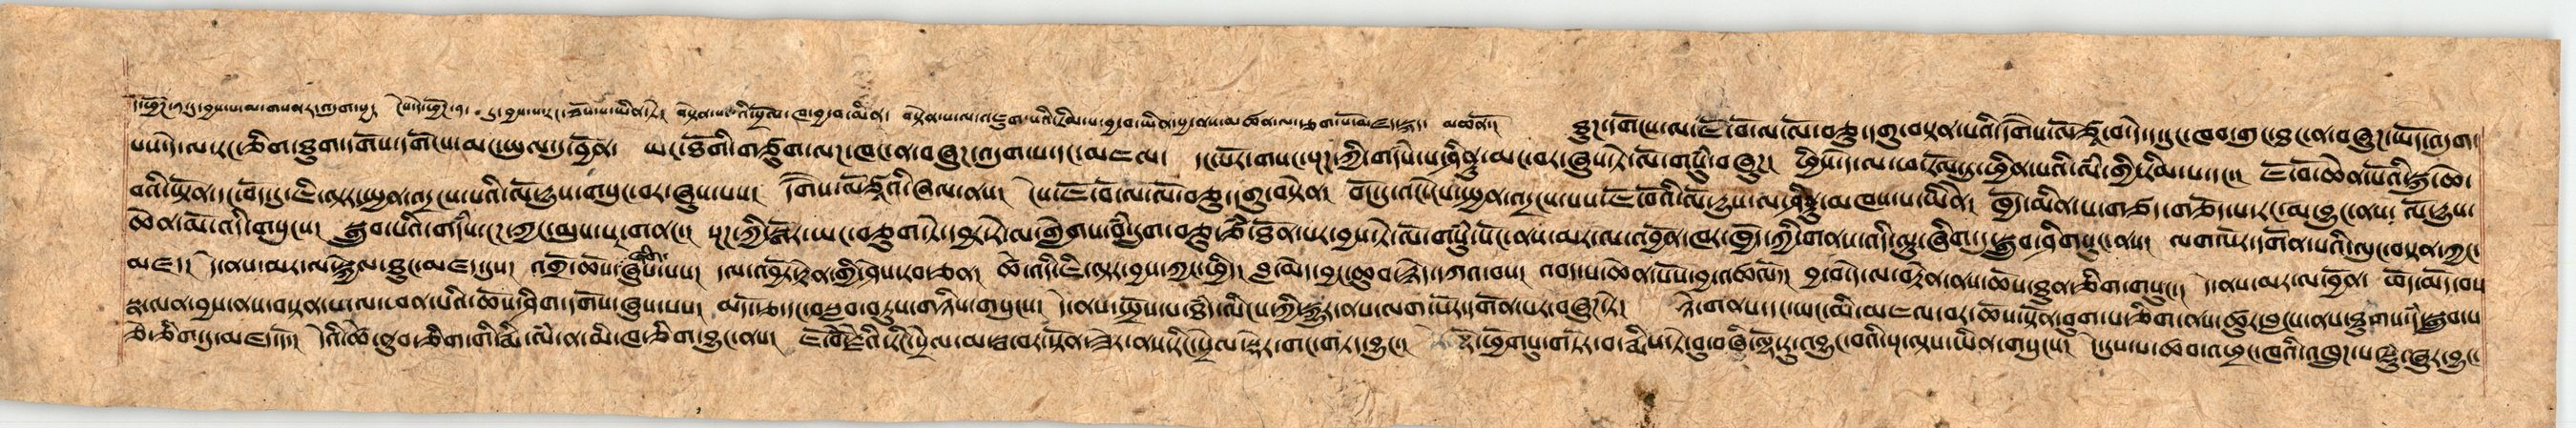དེ་ཕྱོཌ་ན་དུ་བྱས་པ་མ་གསནར་འདུག་སྱ། ངེས་དེ་ཕྱོཌ་ན་དུ་བྱས་པ་རང་ཐོས་པ་ཡིན་ཏེ། བསྟེན་པའི་སྲོལ་ཁ་བྱ་བ་མིན་ བསྟེན་པ་ལ་འཇུག་པའི་རིམ་པ་བྱ་བ་ཡིན་སྱ་ནས་མཚན་ལ་རྩག་པོ་མཛད་སྐད་ མཆནོ་། ཐུཌ་དགོངས་ལ་ཇོ་བོ་ལ་ལོ་བཅུ་དགུ་བསྟན་པའི་དགཻས་ལོཙཱ་བ་དེ་ད་དུང་ཁབ་གུང་ཐང་ན་བཞུཌ་ཡོད་འདུག་
པས་དེ་ལ་རང་ཅིག་ཐུག་དགོས་དགོངས་མང་ཡུལ་དུ་བྱོན་ ཡང་ཐོགི་གཙུག་ལཌ་ཁང་ན་བཞུཌ་འདུག་པ་དང་མཇལ། དང་པོར་གསང་སྔཌ་ཀྱི་གདཾས་པ་ཤིནྟུ་མང་བར་ཞུས་ཏེ་ལོ་གསུཾ་བཞུཌ། ཕྱིས་དེ་ལ་ཕ་རོལ་དུ་ཕྱིན་པའི་ལཾ་གྱི་རིམ་པ་དང་། ཇོ་བོ་ཆེན་པོའི་སྐུ་ཆེ་
བའི་ཡྟོན་དང་བོད་དུ་ཇི་ལྟར་སྤྱན་འདྲངས་པའི་ལོ་དྱུས་གསུང་བར་ཞུས་པས། དགཻས་ལོཙཱའི་ཞལ་ནས། ངས་ཇོ་བོ་ལ་ལོ་བཅུ་དགུ་བསྟེན། བོད་དུ་འང་ངེས་སྤྱན་འདྲངས་པས་ཇོ་བོའི་ལོ་དྱུས་ལ་ཤིནྟུ་མཁས་པ་ཡིནེ། ཁྱོད་མིན་པ་གཙད་གཅོད་པ་རང་མ་བྱུང་ནས་ ལོ་དྱུས་
ཆེན་མོ་འདི་གསུངས། སྒྲུབ་པའིགདཾས་ངཌ་ཀྱང་མུས་པར་གནང་། སྔཌ་ཀྱི་སྒོར་ཡང་བཅུག་ཏེ་དབྱར་རེ་ལ་གླེགས་བཾ་དྲུག་ཅུ་ཙཾ་ཐོན་པར་བྱས་ཏེ་ལོ་གསུཾ་སོང་ནས་མར་ལ་འབྱོན་ཁར་ཁྱོད་ཀྱི་གནས་འདི་ལྟུ་ཞིག་དུ་སྒྲུབ་ཤིགསུང་ནས། ལག་སོར་དགོན་པའི་ལུང་བསྟན་ཀྱང་
མཛད། དེ་ནས་མར་ལ་སྐྱེལ་ཐུང་མཛད་དུས། འགྲོ་ཆོས་ཞུས་པས། དལ་འབྱོར་རྟེན་གྱི་ཤེས་རབ་ཅན། ཚེ་འདི་ཇི་ལྟར་བྱས་ཀྱང་ཕྱིད། བླ་མེད་བྱང་ཆུབ་རྙེད་དཀའ་བས། འབད་པ་ཆེན་པོས་བྱ་འཚལོ་། བྱ་བ་དེ་ལ་བརྟེན་ལས་ཆོས་ཐུན་ཅིག་གསུང་། དེ་ནས་མར་ལ་བྱོན། ཕོད་མོད་བས
སྣ་ལན་བྱས་ནས་བསྟན་པ་ལ་ཕན་པའི་ཆོས་ཤིག་དགོས་ཞུས་པས། མདོ་རྩ་དང་བསླབ་བཏུས་གཉིས་གསུངས། དེ་ནས་སྤྲོས་པ་ཐཾད་ལིངས་ཀྱིས་སྐྱུར་ནས་ལག་སོར་དགོན་པར་བཞུཌ་ཏེ། ཉེ་གནས་དང་ཡང་མི་མཇལ་བར་ཆོས་སྟོན་བུག་པ་ཅིག་ནས་ཚུར་བླངས་ནས་ཐུགས་དཾ་སྒྲུབ་པ་
ཅེ་ཅིག་དུ་མཛད་དོ་། དེའི་ཚེ་ནུབ་ཅིག་གི་རྨི་ལཾ་ན་མི་ཁ་ཅིག་བྱུང་ནས། ཇོ་བོརྗེའི་རིང་སྲེལ་མ་སྦ་བར་སསྟོན་ཟེར་ནས་རིང་སྲེལ་སྡེར་གང་གཏད་བྱུང་། ལྷོ་ཕྱོགསུ་གཏོར་བ་རྨིས་ཏེ་བུ་བཞི་ལྷོ་རུ་འབྱུང་བའི་སྔ་ལྟས་ཡིན་གསུངས། དེ་དུས་པ་ཚབ་འཕྲང་ཁའི་འཁྲུཌ་པ་སྡུཾ་ཞུར་བྱུང་